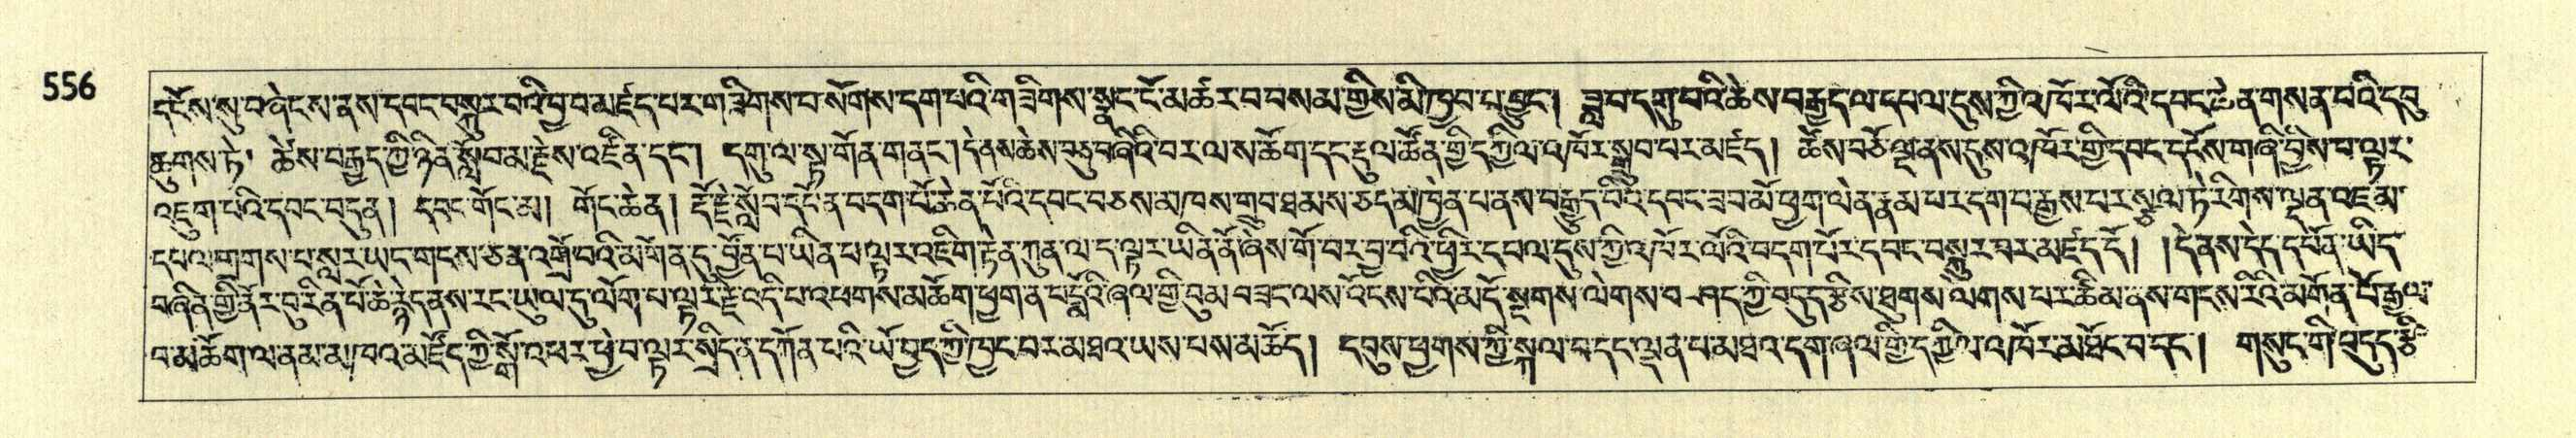དངོས་སུ་བཞེངས་ནས་དབང་བསྐུར་བའི་བྱ་བ་མཛད་པར་གཟིགས་བ་སོགས་དག་པའི་གཟིགས་སྣང་ངོ་མཚར་བ་བསམ་གྱིས་མི་ཁྱབ་པ་བྱུང་། ཟླ་བ་དགུ་པའི་ཚེས་བརྒྱད་ལ་དཔལ་དུས་ཀྱི་འཁོར་ལོའི་དབང་ཆེན་གསན་བའི་དབུ་
ཆུགས་ཏེ། ཚེས་བརྒྱད་ཀྱི་ཉིན་སློབ་མ་རྗེས་འཛིན་དང་། དགུ་ལ་སྟ་གོན་གནང་། དེ་ནས་ཚེས་བཅུ་བཞིའི་བར་ལས་ཆོག་དང་རྡུལ་ཚོན་གྱི་དཀྱིལ་འཁོར་སྒྲུབ་པར་མཛད། ཆོས་བཅོ་ལྔ་ནས་དུས་འཁོར་གྱི་དབང་དངོས་གཞི་བྱིས་པ་ལྟར་
འཇུག་པའི་དབང་བདུན། དབང་གོང་མ། གོང་ཆེན། རྡོ་རྗེ་སློབ་དཔོན་བདག་པོ་ཆེན་པོའི་དབང་བཅས་མཁས་གྲུབ་ཐམས་ཅད་མཁྱེན་པ་ནས་བརྒྱུད་པའི་དབང་ཟབ་མོ་ཕྱག་ལེན་རྣམ་པར་དག་པ་རྒྱས་པར་སྩལ་ཏེ་རིགས་ལྡན་འཇམ་
དཔལ་གྲགས་པ་སླར་ཡང་གངས་ཅན་འགྲོ་བའི་མགོན་དུ་བྱོན་པ་ཡིན་པ་ལྟར་འཇིག་རྟེན་ཀུན་ལ་ད་ལྟར་ཡིན་ནོ་ཞེས་གོ་བར་བྱ་བའི་ཕྱིར་དཔལ་དུས་ཀྱི་འཁོར་ལོའི་བདག་པོར་དབང་བསྐུར་བར་མཛད་དོ། །དེ་ནས་དེད་དཔོན་ཡིད་
བཞིན་གྱི་ནོར་བུ་རིན་པོ་ཆེ་རྙེད་ནས་རང་ཡུལ་དུ་ལོག་པ་ལྟར་རྗེ་འདི་པ་འཕགས་མཆོག་ཕྱག་ན་པདམོའི་ཞལ་གྱི་བུམ་བཟང་ལས་འོངས་པའི་མདོ་སྔགས་ལེགས་བཤད་ཀྱི་བདུད་རྩིས་ཐུགས་ལགས་པར་ཚིམ་ནས་གངས་རིའི་མགོན་པོ་རྒྱལ་
བ་མཆོག་ལ་ནམ་མཁའ་མཛོད་ཀྱི་སྒོ་འཕར་ཕྱེ་བ་ལྟར་སྲིད་ན་དཀོན་པའི་ཡོ་བྱད་ཀྱི་ཁྱད་བར་མཐའ་ཡས་པས་མཆོད། དབུས་ཕྱགས་ཀྱི་སྐལ་བ་དང་ལྡན་པ་མཐའ་དག་ཞལ་གྱི་དཀྱིལ་འཁོར་མཐོང་བ་དང་། གསུང་གི་བདུད་རྩི་